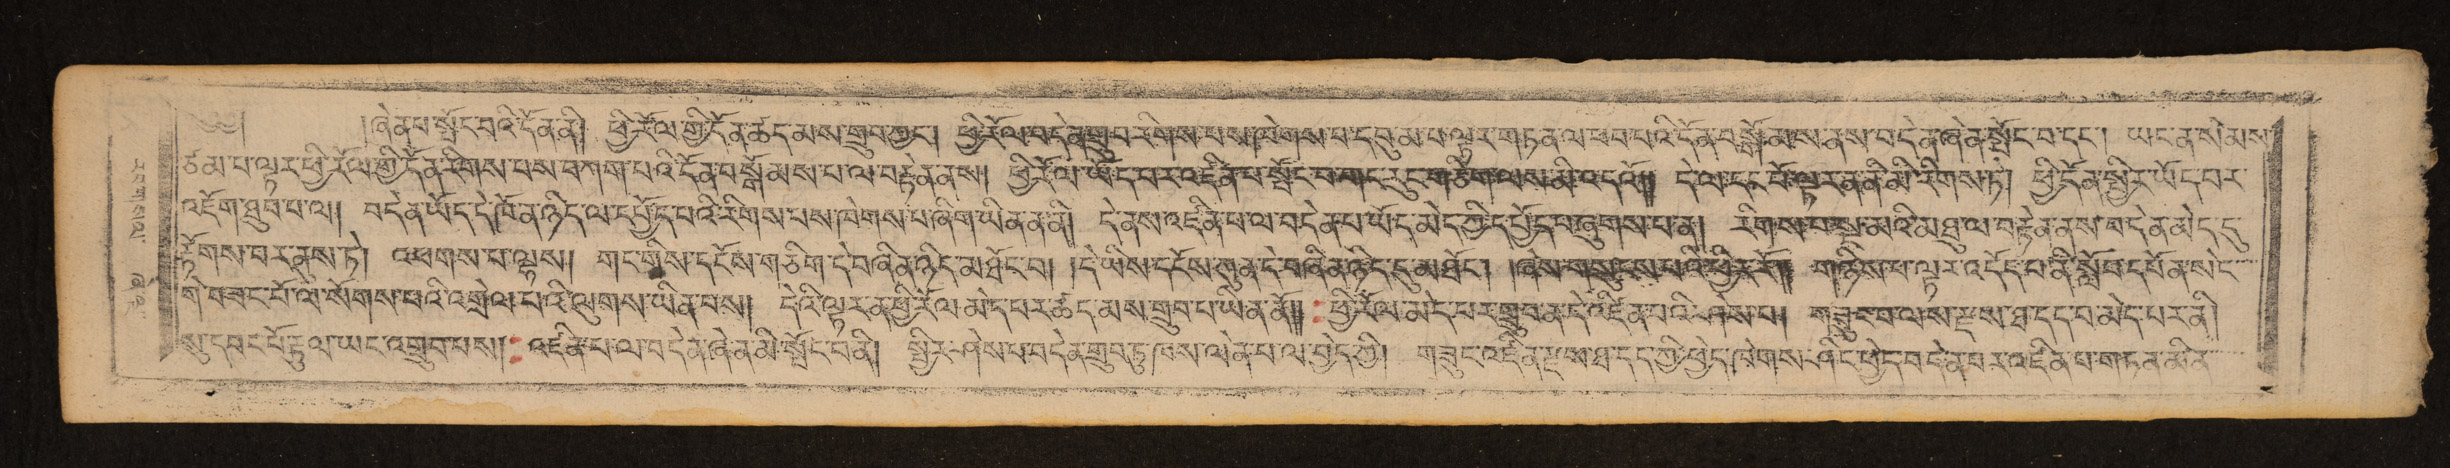༄༅། །ཞེན་པ་སྤོང་བའི་དོན་ནི། ཕྱི་རོལ་གྱི་དོན་ཚད་མས་གྲུབ་ཀྱང་། ཕྱི་རོལ་བདེན་གྲུབ་རིགས་པས་ཁེགས་པ་དབུ་མ་པ་ལྟར་གཏན་ལ་ཕབ་པའི་དོན་བསྒོམས་ནས་བདེན་ཞེན་སྤོང་བ་དང་། ཡང་ན་སེམས་
ཙམ་པ་ལྟར་ཕྱི་རོལ་གྱི་དོན་རིགས་པས་བཀག་པའི་དོན་བསྒོམས་པ་ལ་བརྟེན་ནས། ཕྱི་རོལ་ཡོད་པར་འཛིན་པ་སྤོང་བ་གང་རུང་གཅིག་ལས་མི་འདའོ།། དེ་ལ་དང་པོ་ལྟར་ན་ནི་མི་རིགས་ཏེ། ཕྱི་དོན་སྤྱིར་ཡོད་པར་
འཇོག་ཐུབ་པ་ལ། བདེན་ཡོད་དེ་ཁོ་ན་ཉིད་ལ་དཔྱོད་པའི་རིགས་པས་ཁེགས་པ་ཞིག་ཡིན་ན་ནི། དེ་ནས་འཛིན་པ་ལ་བདེན་པ་ཡོད་མེད་ཀྱི་དཔྱོད་པ་ཞུགས་པ་ན། རིགས་པ་སྔ་མའི་མཐུ་ལ་བརྟེན་ནས་བདེན་མེད་དུ་
རྟོགས་པར་ནུས་ཏེ། འཕགས་པ་ལྷས། གང་གིས་དངོས་གཅིག་དེ་བཞིན་ཉིད་མཐོང་བ། །དེ་ཡིས་དངོས་ཀུན་དེ་བཞིན་ཉིད་དུ་མཐོང་། །ཞེས་གསུངས་པའི་ཕྱིར་རོ།། གཉིས་པ་ལྟར་འདོད་པ་ནི་སློབ་དཔོན་སེང་
གེ་བཟང་པོ་ལ་སོགས་པའི་འགྲེལ་པའི་ལུགས་ཡིན་པས། དེའི་ལྟར་ན་ཕྱི་རོལ་མེད་པར་ཚད་མས་གྲུབ་པ་ཡིན་ནོ།། ཕྱི་རོལ་མེད་པར་གྲུབ་ན་དེ་འཛིན་པའི་ཤེས་པ། གཟུང་བ་ལས་རྫས་ཐ་དད་པ་མེད་པར་ནི།
སུ་དབང་པོ་རྟུལ་ཡང་འགྲུབ་པས། འཛིན་པ་ལ་བདེན་ཞེན་མི་སྤོང་བ་ནི། སྤྱིར་ཤེས་པ་བདེན་གྲུབ་ཏུ་ཁས་ལེན་པ་ལ་བྱེད་ཀྱི། གཟུང་འཛིན་རྫས་ཐ་དད་ཀྱི་ཕྱེད་ཁེགས་ཤིང་ཕྱེད་བདེན་པར་འཛིན་པ་གཏན་མིན་